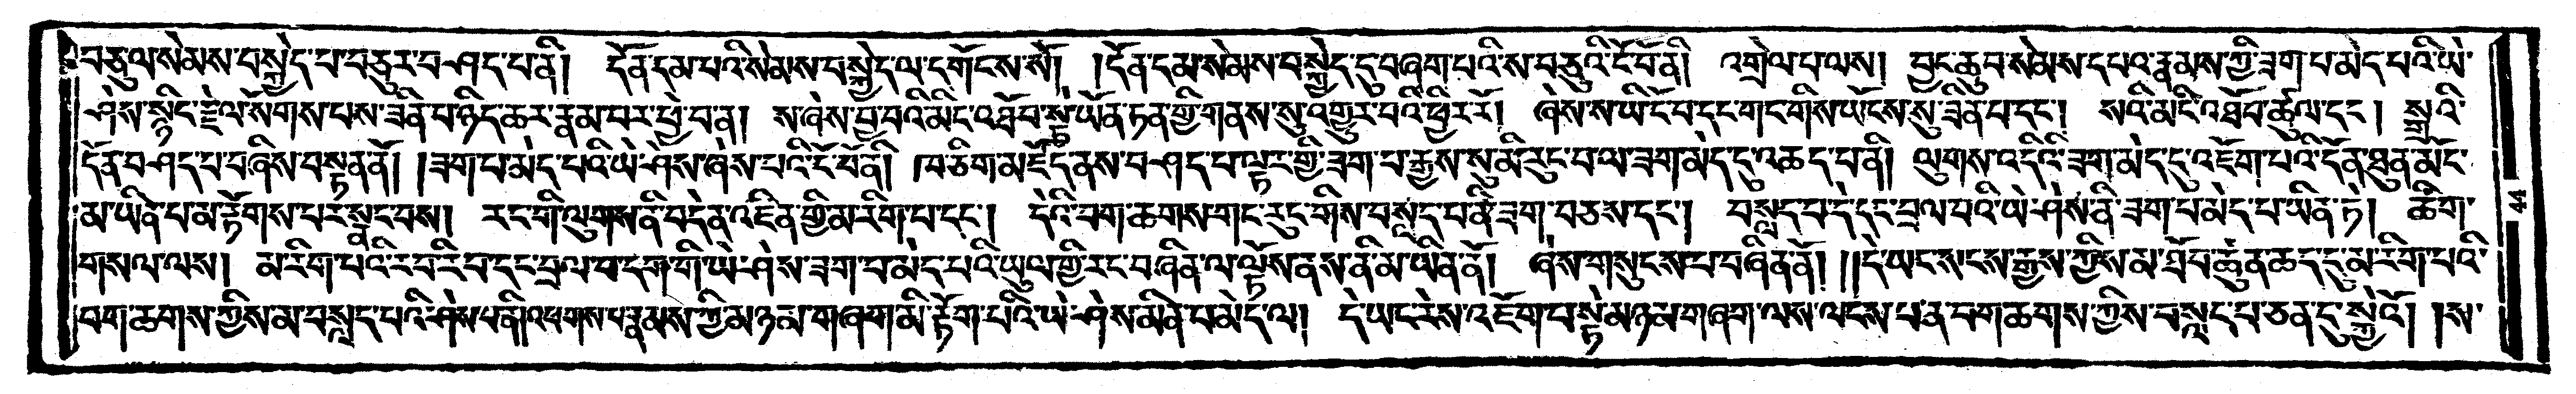བཅུ་ལ་སེམས་བསྐྱེད་པ་བཅུར་བཤད་པ་ནི། དོན་དམ་པའི་སེམས་བསྐྱེད་ལ་དགོངས་སོ། །དོན་དམ་སེམས་བསྐྱེད་དུ་བཞག་པའི་ས་བཅུའི་ངོ་བོ་ནི། འགྲེལ་པ་ལས། བྱང་ཆུབ་སེམས་དཔའ་རྣམས་ཀྱི་ཟག་པ་མེད་པའི་ཡེ་
ཤེས་སྙིང་རྗེ་ལ་སོགས་པས་ཟིན་པ་ཉིད་ཆར་རྣམ་པར་ཕྱེ་བ་ན། ས་ཞེས་བྱ་བའི་མིང་འཐོབ་སྟེ་ཡོན་ཏན་གྱི་གནས་སུ་འགྱུར་བའི་ཕྱིར་རོ། ཞེས་ས་ཡི་ངོ་བོ་དང་གང་གིས་ཡོངས་སུ་ཟིན་པ་དང་། སའི་མིང་འཐོབ་ཚུལ་དང་། སྒྲའི་
དོན་བཤད་པ་བཞིས་བསྟན་ནོ། །ཟག་པ་མེད་པའི་ཡེ་ཤེས་ཞེས་པའི་ངོ་བོ་ནི། ཁ་ཅིག་མཛོད་ནས་བཤད་པ་ལྟར་གྱི་ཟག་པ་རྒྱས་སུ་མི་རུང་བ་ལ་ཟག་མེད་དུ་འཆད་པ་ནི། ལུགས་འདིའི་ཟག་མེད་དུ་འཇོག་པའི་དོན་ཐུན་མོང་
མ་ཡིན་པ་མ་རྟོགས་པར་སྣང་བས། རང་གི་ལུགས་ནི་བདེན་འཛིན་གྱི་མ་རིག་པ་དང་། དེའི་བག་ཆགས་གང་རུང་གིས་བསླད་པ་ནི་ཟག་བཅས་དང་། བསླད་པ་དེ་དང་བྲལ་བའི་ཡེ་ཤེས་ནི་ཟག་པ་མེད་པ་ཡིན་ཏེ། ཚིག་
གསལ་ལས། མ་རིག་པའི་རབ་རིབ་དང་བྲལ་བ་དག་གི་ཡེ་ཤེས་ཟག་པ་མེད་པའི་ཡུལ་གྱི་རང་བཞིན་ལ་ལྟོས་ནས་ནི་མ་ཡིན་ནོ། ཞེས་གསུངས་པ་བཞིན་ནོ། །དེ་ཡང་སངས་རྒྱས་ཀྱི་ས་མ་ཐོབ་ཚུན་ཆད་དུ་མ་རིག་པའི་
བག་ཆགས་ཀྱིས་མ་བསླད་པའི་ཤེས་པ་ནི། འཕགས་པ་རྣམས་ཀྱི་མཉམ་གཞག་མི་རྟོག་པའི་ཡེ་ཤེས་མིན་པ་མེད་ལ། དེ་ཡང་རེས་འཇོག་པ་སྟེ་མཉམ་གཞག་ལས་ལངས་པ་ན་བག་ཆགས་ཀྱིས་བསླད་པ་ཅན་དུ་སྐྱེའོ། །ས་